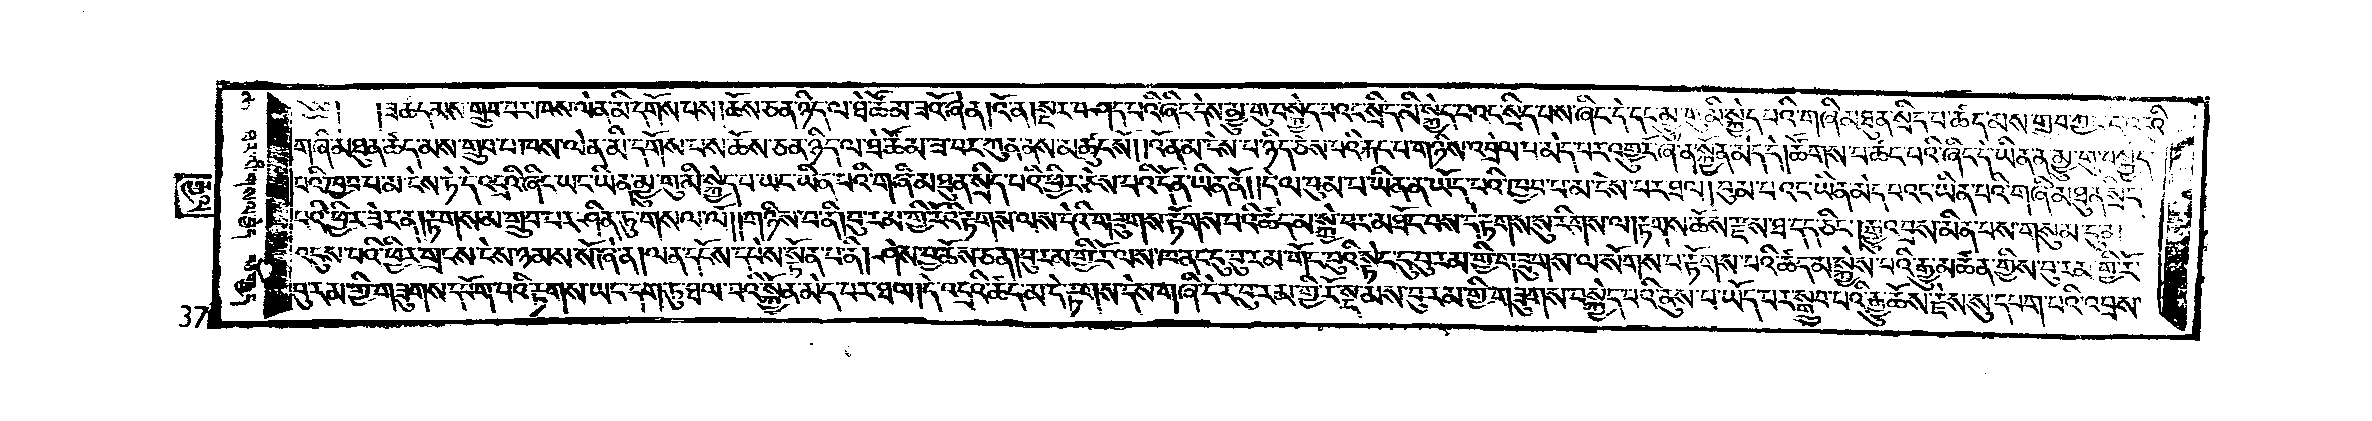༄༅། །ཟ་ཚད་མས་གྲུབ་པར་ཁས་ལེན་མི་དགོས་པས། ཆོས་ཅན་ཉིད་ལ་ཐེ་ཚོམ་ཟའོ་ཞེ་ན། འོ་ན། སྔར་བཤད་པའི་ཞིང་དེས་མྱུ་གུ་བསྐྱེད་པའང་སྲིད་མི་སྐྱེད་པའང་སྲིད་པས་ཞིང་དེ་དང་མྱུ་གུ་མི་སྐྱེད་པའི་གཞི་མཐུན་སྲིད་པ་ཚད་མས་གྲུབ་ཀྱང་དེ་འདྲའི་
གཞི་མཐུན་ཚད་མས་གྲུབ་པ་ཁས་ལེན་མི་དགོས་པས་ཆོས་ཅན་ཉིད་ལ་ཐེ་ཚོམ་ཟ་བར་ཀུན་ནས་མཚུངས་སོ། །འོ་ན་མ་ངེས་པ་ཉིད་ཅེས་པའི་རྐང་པ་གཉིས་འབྲེལ་པ་མེད་པར་འགྱུར་རོ་ཞེ་ན་སྐྱོན་མེད་དེ། ཚོགས་པ་ཚང་བའི་ཞིང་དེ་ཡིན་ན་མྱུ་གུ་བསྐྱེད་
པའི་ཁྱབ་པ་མ་ངེས་ཏེ་དེ་འདྲའི་ཞིང་ཡང་ཡིན་མྱུ་གུ་མི་སྐྱེད་པ་ཡང་ཡིན་པའི་གཞི་མཐུན་སྲིད་པའི་ཕྱིར་ཅེས་པའི་དོན་ཡིན་ནོ། །དེ་ལ་བུམ་པ་ཡིན་ན་ཡོད་པའི་ཁྱབ་པ་མ་ངེས་པར་ཐལ། བུམ་པའང་ཡིན་མེད་པའང་ཡིན་པའི་གཞི་མཐུན་སྲིད་
པའི་ཕྱིར་ཟེར་ན། རྟགས་མ་གྲུབ་པར་ཤིན་ཏུ་གསལ་ལོ། །གཉིས་པ་ནི། བུ་རམ་གྱི་རོའི་རྟགས་ལས་དེའི་གཟུགས་རྟོགས་པའི་ཚད་མ་སྐྱེ་བར་མཐོང་བས་དེ་རྟགས་སུ་རིགས་ལ། རྟགས་ཆོས་རྫས་ཐ་དད་ཅིང་། རྒྱུ་འབྲས་མིན་པས་གསུམ་དུ་མ་
འདུས་པའི་ཕྱིར་གྲངས་ངེས་ཉམས་སོ་ཞེ་ན། ལན་དངོས་དཔེས་སྟོན་པ་ནི། ཤེས་བྱ་ཆོས་ཅན། བུ་རམ་གྱི་རོ་ལས་ཁ་ནང་དུ་བུ་རམ་གོང་བུའི་སྟེང་དུ་བུ་རམ་གྱི་གཟུགས་ལ་སོགས་པ་རྟོགས་པའི་ཚད་མ་སྐྱེས་པའི་རྒྱུ་མཚན་གྱིས་བུ་རམ་གྱི་རོ་
བུ་རམ་གྱི་གཟུགས་དཔོག་པའི་རྟགས་ཡང་དག་ཏུ་ཐལ་བའི་སྐྱོན་མེད་པར་ཐལ། དེ་འདྲའི་ཚད་མ་དེ་རྟགས་དེས་གཞི་དེར་བུ་རམ་གྱི་རོ་སྔ་མས་བུ་རམ་གྱི་གཟུགས་བསྐྱེད་པའི་ནུས་པ་ཡོད་པར་སྒྲུབ་པའི་རྒྱུ་ཆོས་རྗེས་སུ་དཔག་པའི་འབྲས་